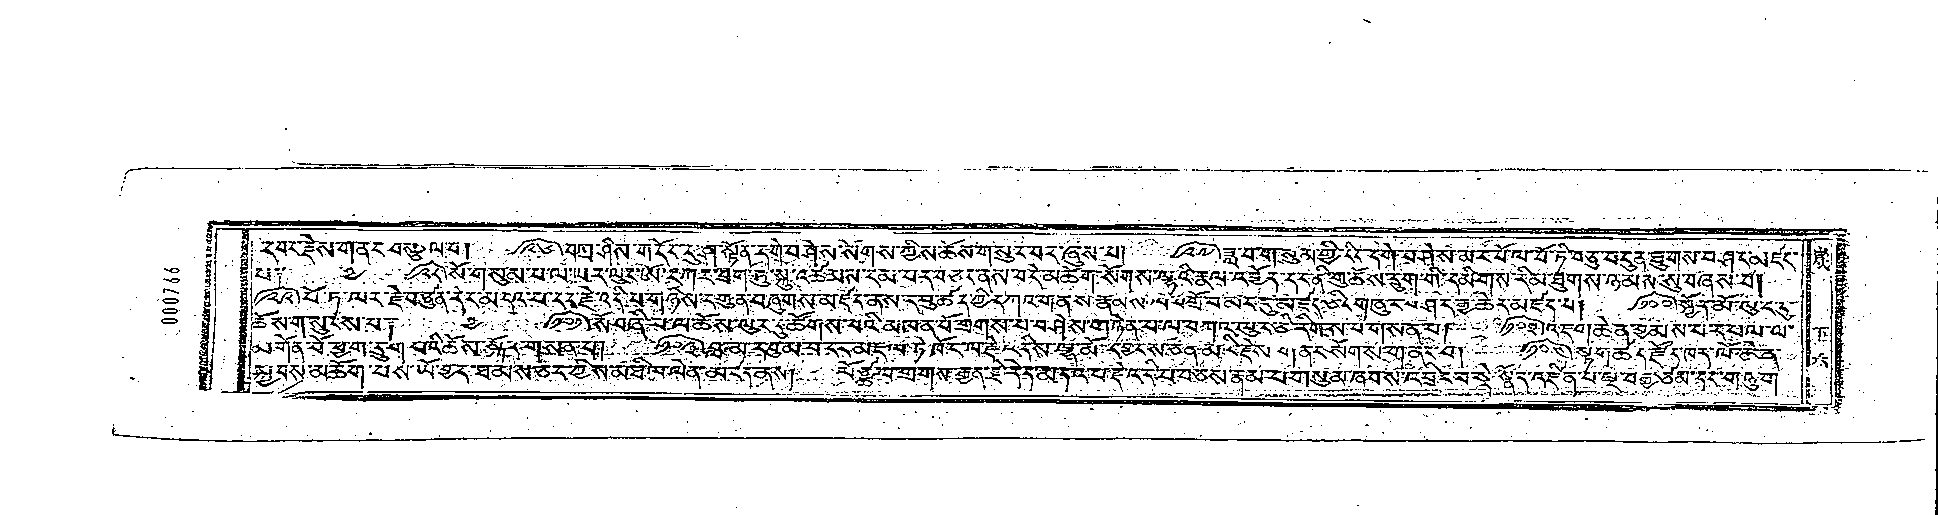དབང་རྗེས་གནང་བསྩལ་བ། ༼༩༦?་བཀྲ་ཤིས་གདོང་དུ་ཤ་སྟོན་དགེ་བཤེས་སོགས་ཀྱིས་ཆོས་གསུང་བར་ཞུས་པ། ༽༩༧?་ཟླ་བ་གསུམ་གྱི་རིང་དགེ་བཤེས་མང་པ་ལ་བོ་ཏི་བཅུ་བདུན་ཐུགས་བཤད་མཛད་
པ༑ ༧ ༩༨?་སོ་གསུམ་པ་ལ་ཡར་ལུང་ཨོ་དཀར་བྲག་ཏུ་སྐུ་འཚམས་ངམ་པར་བཅད་ནས་བདེ་མཆོག་སོགས་ལྷའི་རྣལ་འབྱོར་དང་ནི་གུ་ཆོས་དྲུག་གི་དམིགས་རིམ་ཐུགས་ཉམས་སུ་བཞས་བ།
༼༩༩?་པོ་ཏ་ལར་རྗེ་བཙུན་རེང་མདའ་པ་དང་རྗེ་འདི་པ་གཉིས་དགུན་བཞུགས་མཛད་ནས་དབུ་ཚད་ཀྱི་དཀའ་གནས་རྣམས་ལ་བགྲོ་བ་མང་དུ་མཛད་ཅིང་གཞུང་བཤར་རྒྱ་ཆེར་མཛད་པ། ༽༡༠༠?་སྐྱོད་མོ་ལུང་དུ་
ཆོས་གསུངས་པ༑ ༧ ༼༡༠༡?་སོ་བཞི་པ་ལ་ཆོས་ལུང་དུ་ཚོགས་པའི་མཁན་པོ་གྲགས་པ་བཤེས་གཉེན་པ་ལ་བཀའ་ལུང་ཅི་རིགས་པ་གསན་པ། ༽༡༠༢?་འཇག་ཆེན་བྱམས་པ་དཔལ་ལ་
མགོན་བོ་ཕྱ་ག་དྲུག་པའི་ཆོས་སྐོར་གསན་པ། ༼༡༠༣?་བླ་མ་དབུ་མ་པ་དང་མཇལ་ཏེ་ཁོང་ལ་རྗེ་འདིས་ལྷ་མོ་དབྱངས་ཅན་མའི་རྗེས་གནང་སོགས་གནང་པ། ༽༡༠༤?་སྟག་ཚད་རྫོང་ཁར་ལོ་ཆེན་
སྐྱབས་མཆོག་པས་ཡོ་བྱད་ཐམས་ཅད་ཀྱིས་མཐིལ་ལེན་མཛད་ནས། ལོཙྪ་པ་གྲགས་རྒྱན་རྗེ་རེད་མདའ་པ་རྗེ་འདི་པ་བཅས་རྣམ་པ་གསུམ་ཞབས་འབྲིང་བ་སྡེ་སྣོད་འཛིན་པ་ལྔ་བརྒྱ་ཙམ་དང་གཉུག་